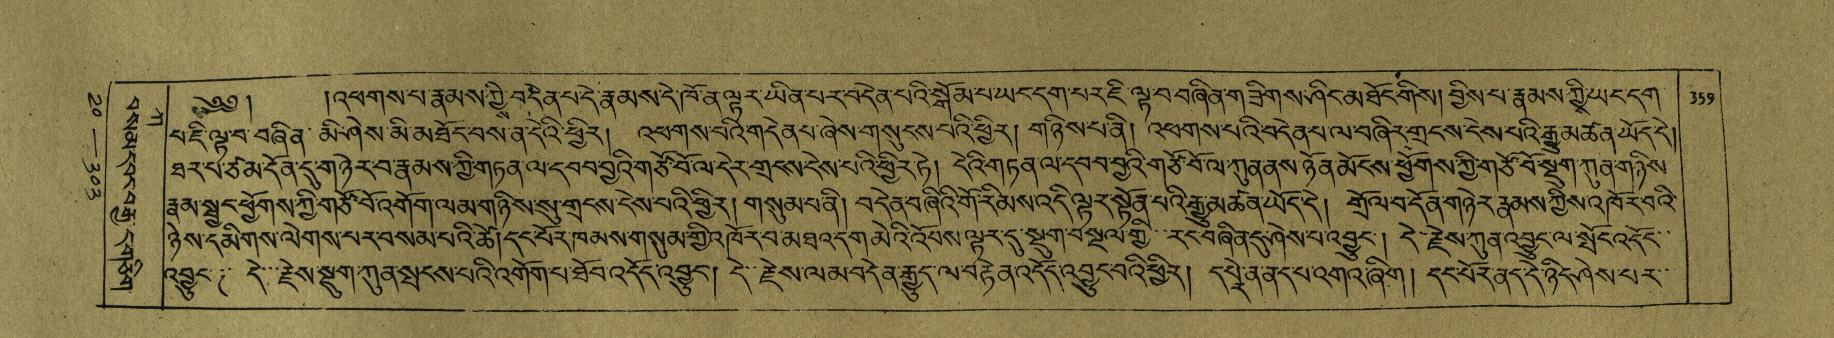༄༅། །འཕགས་པ་རྣམས་ཀྱིས་བདེན་པ་དེ་རྣམས་དེ་ཁོ་ན་ལྟར་ཡིན་པར་བདེན་པའི་སྒོམ་པ་ཡང་དག་པར་ཇི་ལྟ་བ་བཞིན་གཟིགས་ཤིང་མཐོང་གིས། བྱིས་པ་རྣམས་ཀྱིས་ཡང་དག་
པ་ཇི་ལྟ་བ་བཞིན་མི་ཤེས་མི་མཐོང་བས་ན་དེའི་ཕྱིར། འཕགས་པའི་བདེན་པ་ཞེས་གསུངས་པའི་ཕྱིར། གཉིས་པ་ནི། འཕགས་པའི་བདེན་པ་ལ་བཞིར་གྲངས་ངེས་པའི་རྒྱུ་མཚན་ཡོད་དེ།
ཐར་པ་ཙམ་དོན་དུ་གཉེར་བ་རྣམས་ཀྱི་གཏན་ལ་དབབ་བྱའི་གཙོ་བོ་ལ་དེར་གྲངས་ངེས་པའི་ཕྱིར་ཏེ། དེའི་གཏན་ལ་དབབ་བྱའི་གཙོ་བོ་ལ་ཀུན་ནས་ཉོན་མོངས་ཕྱོགས་ཀྱི་གཙོ་བོ་སྡུག་ཀུན་གཉིས་
རྣམ་སྦྱང་ཕྱོགས་ཀྱི་གཙོ་བོ་འགོག་ལམ་གཉིས་སུ་གྲངས་ངེས་པའི་ཕྱིར། གསུམ་པ་ནི། བདེན་བཞིའི་གོ་རིམས་འདི་ལྟར་སྟོན་པའི་རྒྱུ་མཚན་ཡོད་དེ། གྲོལ་བ་དོན་གཉེར་རྣམས་ཀྱིས་འཁོར་བའི་
ཉེས་དམིགས་ལེགས་པར་བསམ་པའི་ཚེ། དང་པོར་ཁམས་གསུམ་གྱི་འཁོར་བ་མཐའ་དག་མེའི་འོབས་ལྟར་དུ་སྡུག་བསྔལ་གྱི་རང་བཞིན་དུ་ཤེས་པ་འབྱུང་། དེ་རྗེས་ཀུན་འབྱུང་ལ་སྤོང་འདོད་
འབྱུང༑ དེ་རྗེས་སྡུག་ཀུན་སྤངས་པའི་འགོག་པ་ཐོབ་འདོད་འབྱུང་། དེ་རྗེས་ལམ་བདེན་རྒྱུད་ལ་བརྟེན་འདོད་འབྱུང་བའི་ཕྱིར། དཔེར་ན་ནད་པ་འགའ་ཞིག །དང་པོར་ནད་དེ་ཉིད་ཤེས་པར་